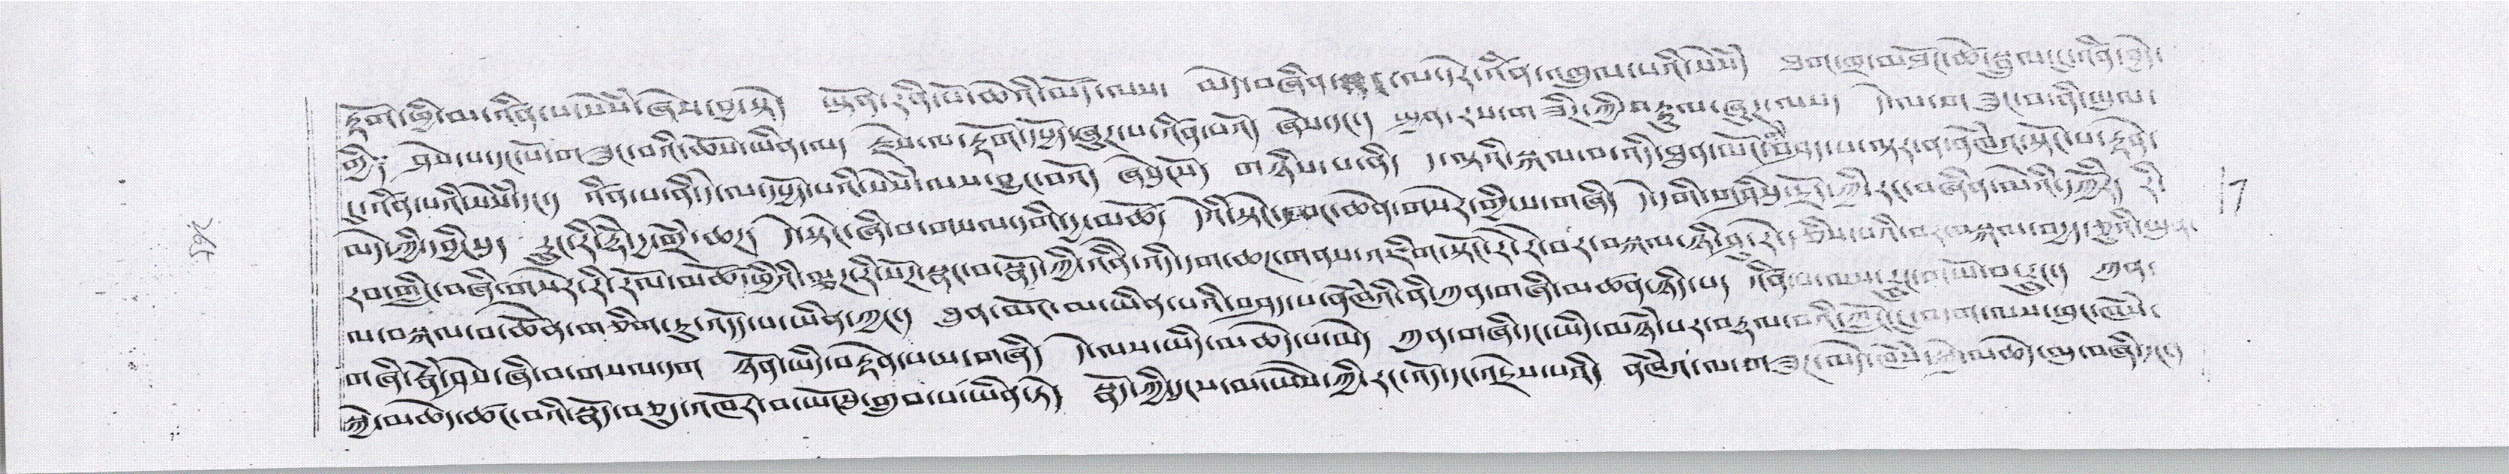རྟོག་ཕྱི་མ་འཛིན་པ་སེམས་ཞེས་བྱ་སྟེ། ཡོན་ཏན་རིན་པོ་ཆེའི་མཛོད་ལས། མེད་བཞིན་སྣང་ལ་དེར་འཛིན་འཁྲུལ་པའི་སེམས། ཐག་ཁྲ་མཐོང་ཚེ་སྦྲུལ་དུ་འཛིན་བྱེད་
གྱི། ཤེས་པ་དང་པོ་གཟུང་བའི་ཆོས་ཡིན་ལ། རྗེས་ལ་རྟོག་དཔྱོད་ཞུགས་པ་འཛིན་པའོ། ཞེས་དང། སྤྱན་རས་གཟིགས་ཀྱི་བརྟུལ་ཞུགས་ལས། དེ་ལ་གཟུང་བ་ནི་ཡུལ་
དུ་འཛིན་པའི་སེམས་དང། འཛིན་པ་ནི་དེ་ལ་དཔྱོད་པའི་སེམས་ལས་བྱུང་བའོ། ཞེས་གསུངས་སོ། གཉིས་པ་ནི། ད་ལྟའི་སྐལ་བ་འདི་ཐུན་མོང་གི་བཤད་པ་ལྟར་ན་ནམ་མཁའ་སྟོང་པ་རྟེན་
མེད་ཀྱི་དབྱིངས་སུ། རླུང་རི་རྡོ་རྗེ་རྒྱ་གྲམ་ཆགས། དེ་སྟེང་ཞི་བ་གསལ་དག་གི་རྒྱ་མཚོ། དེའི་སྟེང་དབང་ཆེན་གསེར་གྱི་ས་གཞི། དེ་དག་གི་གཤིས་སུ་དྲོད་ཀྱི་རང་བཞིན་མེའི་དཀྱིལ་འཁོར། རི་
རབ་གླིང་བཞི་གསེར་རི་རོལ་མཚོ་ཕྱིའི་ལྕགས་རི་སོགས་སྣང་བ་སྣོད་ཀྱི་འཇིག་རྟེན་འདི་དག་ཆགས་གནས་འཇིག་སྟོང་རེ་རེ་བར་བསྐལ་ཉི་ཤུ་རེ་རྩིས་པའི་བར་བསྐལ་བརྒྱད་ཅུའི་ཡུན་
ལ་བསྐལ་པ་ཆེན་པོ་གཅིག་ཏུ་འདོད་པ་ཡིན་ཀྱང། ཐུན་མོང་མ་ཡིན་པའི་བཤད་པ་ནམ་མཁའི་ནི་ཀུན་གཞི་མཚན་ཉིད་པ། འཛིན་པ་ལས་རླུང་གཡོ་བ་རླུང། ཀུན་
གཞི་རྣམ་ཤེས་ཞི་བ་གསལ་དག ཉོན་ཡིད་བརྟེན་པ་ས་གཞི། དེ་ལས་ཡིད་མཆེད་པ་མེད། ཀུན་གཞི་དང་ཡིད་མཉམ་པར་བརྡལ་བའི་ཀློང་དུ་བདག་ལས་ཕུང་ཁམས་
སྐྱེ་མཆེད་ཚང་བའི་སྣོད་བཅུད་འཁོར་བ་ཡོངས་སུ་གྲུབ་པ་ཡིན་ཏེ། སྣོད་ཀྱི་དྭངས་མ་ཡེ་ཤེས་ཀྱི་རང་འོད་དང་འདྲེས་པའི། ནམ་མཁའ་ལ་གཟུགས་མེད་ཁམས་སྐྱེ་མཆེད་མུ་བཞི་དང།